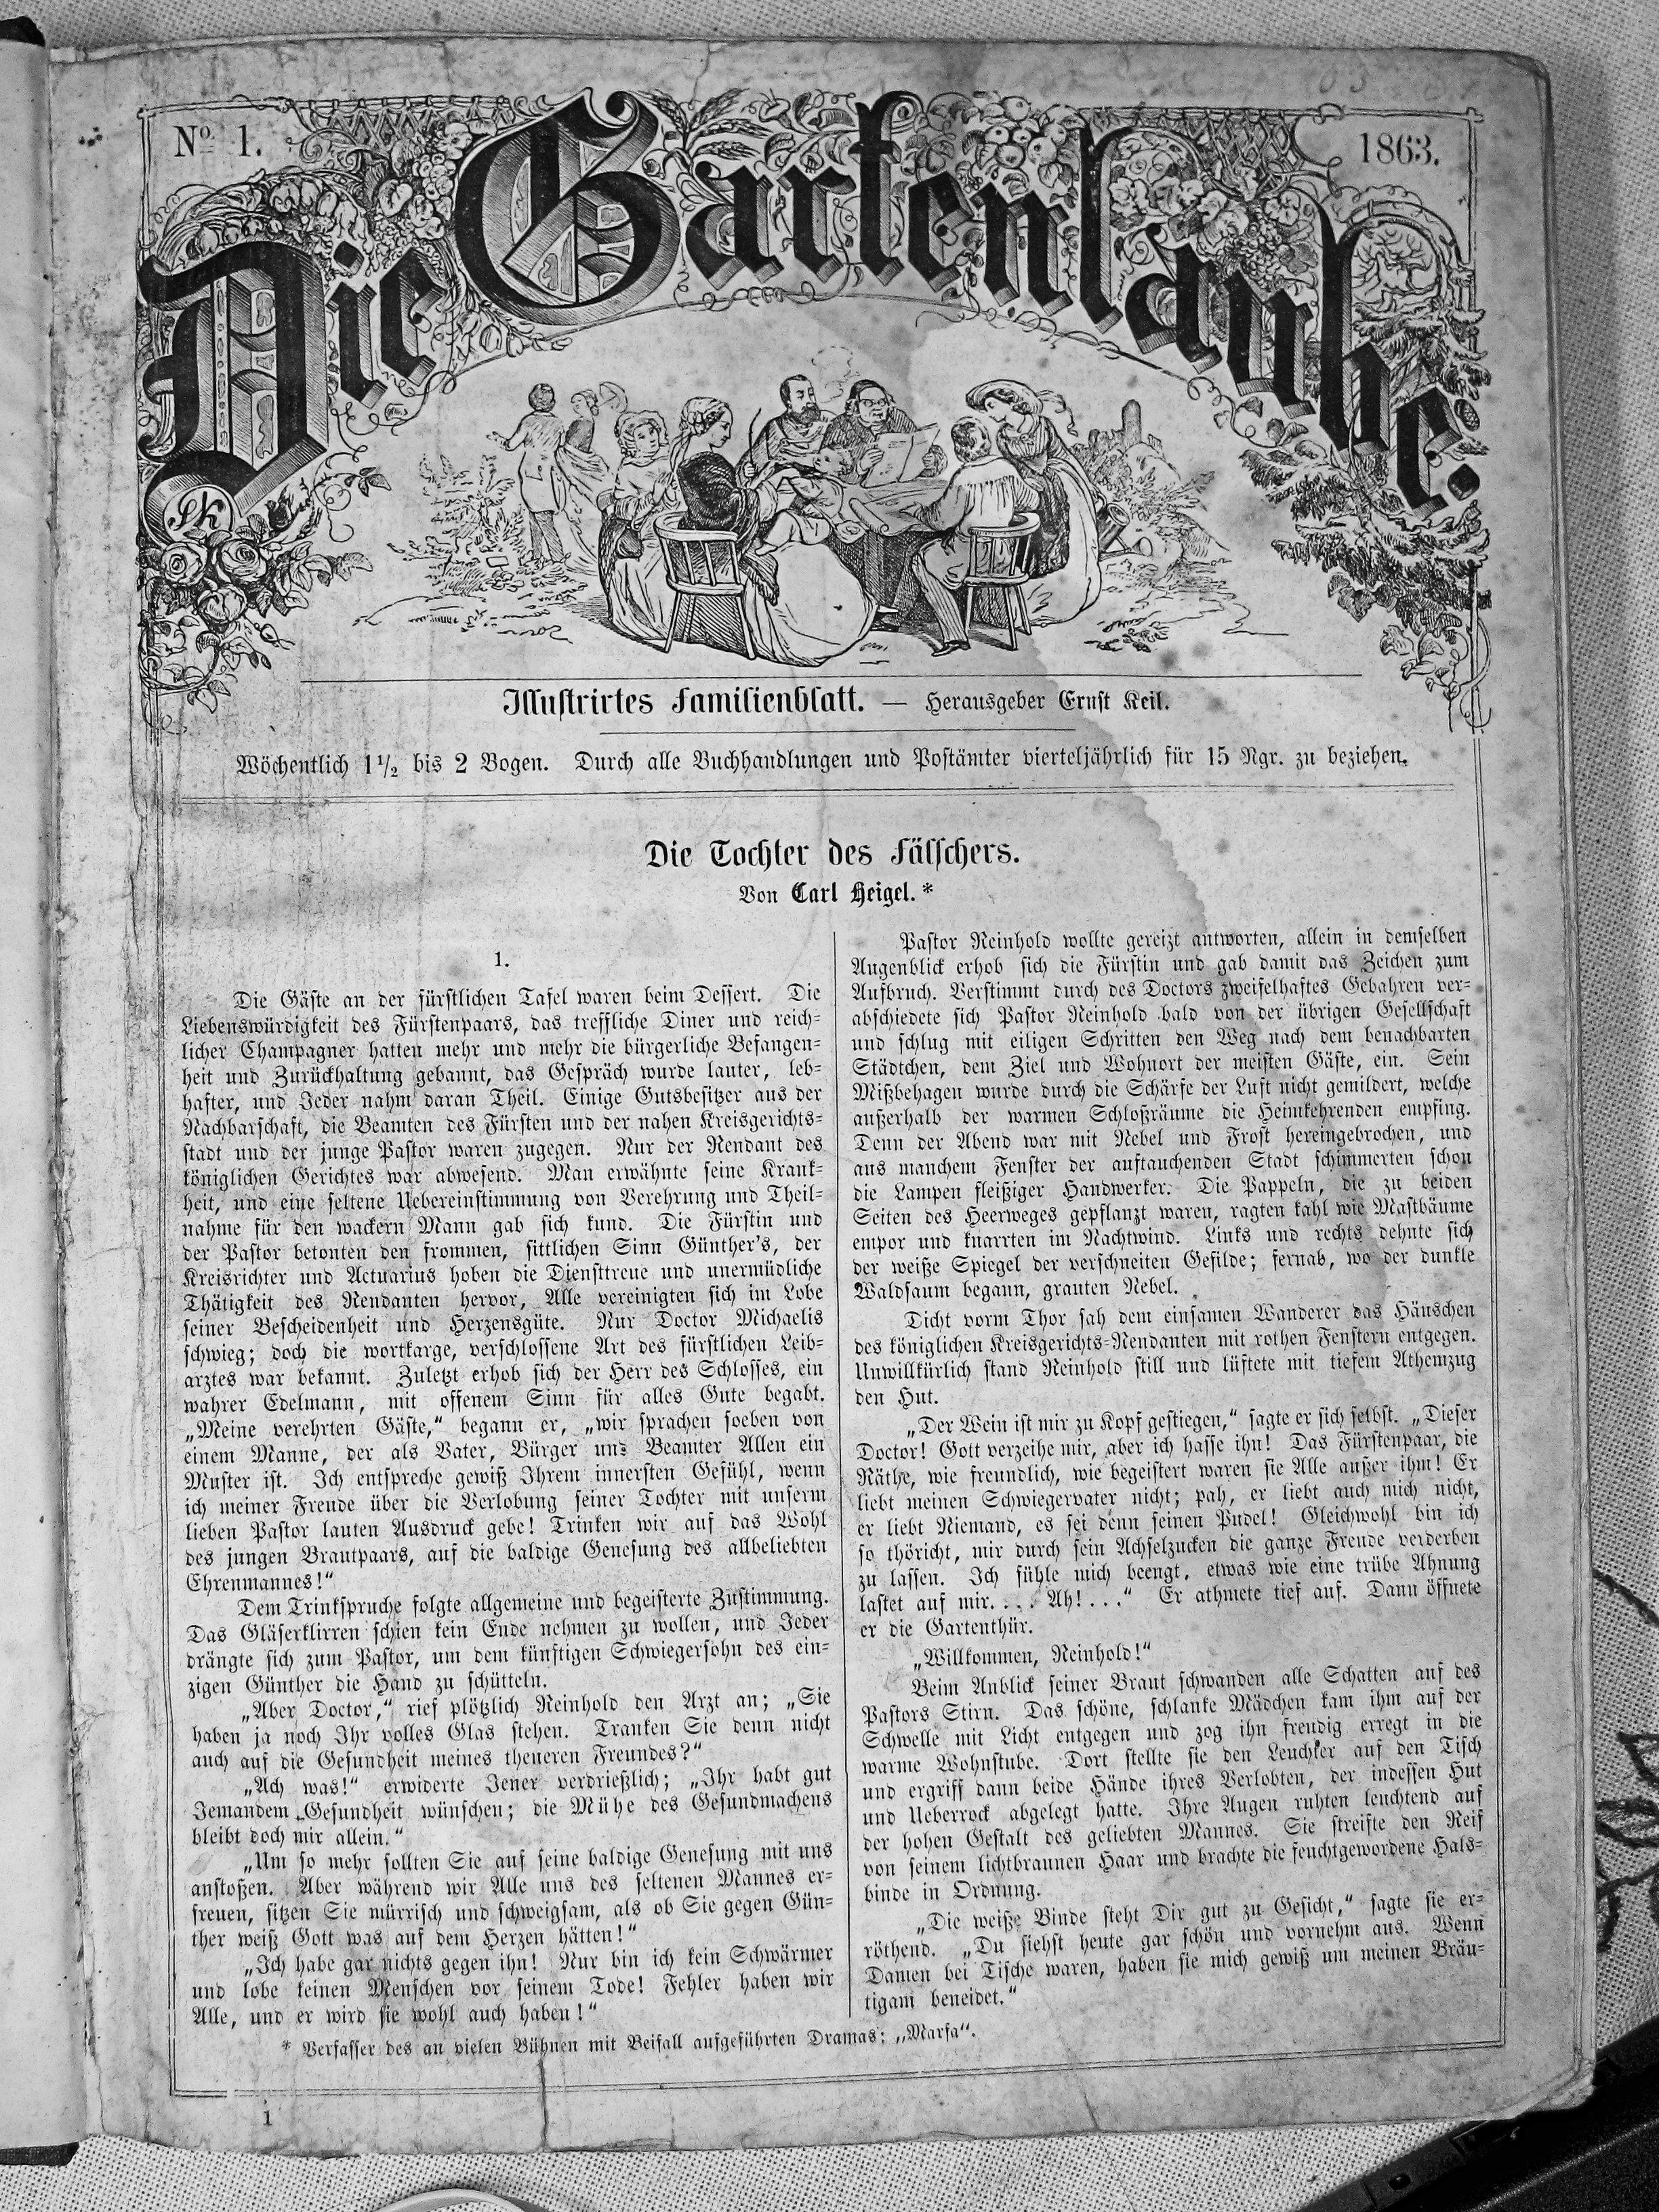Die Tochter des Fälschers.
Von Carl Heigel.

1.

Die Gäste an der fürstlichen Tafel waren beim Dessert. Die Liebenswürdigkeit des Fürstenpaars, das treffliche Diner und reichlicher Champagner hatten mehr und mehr die bürgerliche Befangenheit und Zurückhaltung gebannt, das Gespräch wurde lauter, lebhafter, und Jeder nahm daran Theil. Einige Gutsbesitzer aus der Nachbarschaft, die Beamten des Fürsten und der nahen Kreisgerichtsstadt und der junge Pastor waren zugegen. Nur der Rendant des königlichen Gerichtes war abwesend. Man erwähnte seine Krankheit, und eine seltene Uebereinstimmung von Verehrung und Theilnahme für den wackern Mann gab sich kund. Die Fürstin und der Pastor betonten den frommen, sittlichen Sinn Günther’s, der Kreisrichter und Actuarius hoben die Diensttreue und unermüdliche Thätigkeit des Rendanten hervor, Alle vereinigten sich im Lobe seiner Bescheidenheit und Herzensgüte. Nur Doctor Michaelis schwieg; doch die wortkarge, verschlossene Art des fürstlichen Leibarztes war bekannt. Zuletzt erhob sich der Herr des Schlosses, ein wahrer Edelmann, mit offenem Sinn für alles Gute begabt. „Meine verehrten Gäste,“ begann er, „wir sprachen soeben von einem Manne, der als Vater, Bürger und Beamter Allen ein Muster ist. Ich entspreche gewiß Ihrem innersten Gefühl, wenn ich meiner Freude über die Verlobung seiner Tochter mit unserm lieben Pastor lauten Ausdruck gebe! Trinken wir auf das Wohl des jungen Brautpaars, auf die baldige Genesung des allbeliebten Ehrenmannes!“

Dem Trinkspruche folgte allgemeine und begeisterte Zustimmung. Das Gläserklirren schien kein Ende nehmen zu wollen, und Jeder drängte sich zum Pastor, um dem künftigen Schwiegersohn des einzigen Günther die Hand zu schütteln.

„Aber Doctor,“ rief plötzlich Reinhold den Arzt an; „Sie haben ja noch Ihr volles Glas stehen. Tranken Sie denn nicht auch auf die Gesundheit meines theuren Freundes?“

„Ach was!“ erwiderte Jener verdrießlich; „Ihr habt gut Jemandem Gesundheit wünschen; die Mühe des Gesundmachens bleibt doch mir allein.“

„Um so mehr sollten Sie auf seine baldige Genesung mit uns anstoßen. Aber während wir Alle uns des seltenen Mannes erfreuen, sitzen Sie mürrisch und schweigsam, als ob Sie gegen Günther weiß Gott was auf dem Herzen hätten!“

„Ich habe gar nichts gegen ihn! Nur bin ich kein Schwärmer und lobe keinen Menschen vor seinem Tode! Fehler haben wir Alle, und er wird sie wohl auch haben!“

Pastor Reinhold wollte gereizt antworten, allein in demselben Augenblick erhob sich die Fürstin und gab damit das Zeichen zum Aufbruch. Verstimmt durch des Doctors zweifelhaftes Gebahren verabschiedete sich Pastor Reinhold bald von der übrigen Gesellschaft und schlug mit eiligen Schritten den Weg nach dem benachbarten Städtchen, dem Ziel und Wohnort der meisten Gäste, ein. Sein Mißbehagen wurde durch die Schärfe der Luft nicht gemildert, welche außerhalb der warmen Schloßräume die Heimkehrenden empfing. Denn der Abend war mit Nebel und Frost hereingebrochen, und aus manchem Fenster der auftauchenden Stadt schimmerten schon die Lampen fleißiger Handwerker. Die Pappeln, die zu beiden Seiten des Heerweges gepflanzt waren, ragten kahl wie Mastbäume empor und knarrten im Nachtwind. Links und rechts dehnte sich der weiße Spiegel der verschneiten Gefilde; fernab, wo der dunkle Waldsaum begann, grauten Nebel.

Dicht vorm Thor sah dem einsamen Wanderer das Häuschen des königlichen Kreisgerichts-Rendanten mit rothen Fenstern entgegen. Unwillkürlich stand Reinhold still und lüftete mit tiefem Athemzug den Hut.

„Der Wein ist wir zu Kopf gestiegen,“ sagte er sich selbst. „Dieser Doctor! Gott verzeihe mir, aber ich hasse ihn! Das Fürstenpaar, die Räthe, wie freundlich, wie begeistert waren sie Alle außer ihm! Er liebt meinen Schwiegervater nicht; pah, er liebt auch mich nicht, er liebt Niemand, es sei denn seinen Pudel! Gleichwohl bin ich so thöricht, mir durch sein Achselzucken die ganze Freude verderben zu lassen. Ich fühle mich beengt, etwas wie eine trübe Ahnung lastet auf mir. … Ah! …“ Er athmete tief aus. Dann öffnete er die Gartenthür.

„Willkommen, Reinhold!“

Beim Anblick seiner Braut schwanden alle Schatten auf des Pastors Stirn. Das schöne, schlanke Mädchen kam ihm auf der Schwelle mit Licht entgegen und zog ihn freudig erregt in die warme Wohnstube. Dort stellte sie den Leuchter auf den Tisch und ergriff dann beide Hände ihres Verlobten, der indessen Hut und Ueberrock abgelegt hatte. Ihre Augen ruhten leuchtend auf der hohen Gestalt des geliebten Mannes. Sie streifte den Reif von seinem lichtbraunen Haar und brachte die feuchtgewordene Halsbinde in Ordnung.

„Die weiße Binde steht Dir gut zu Gesicht,“ sagte sie erröthend. „Du siehst heute gar schön und vornehm aus. Wenn Damen bei Tische waren, haben sie mich gewiß um meinen Bräutigam beneidet.“
Verfasser des an vielen Bühnen mit Beifall aufgeführten Dramas: „Marfa“.
